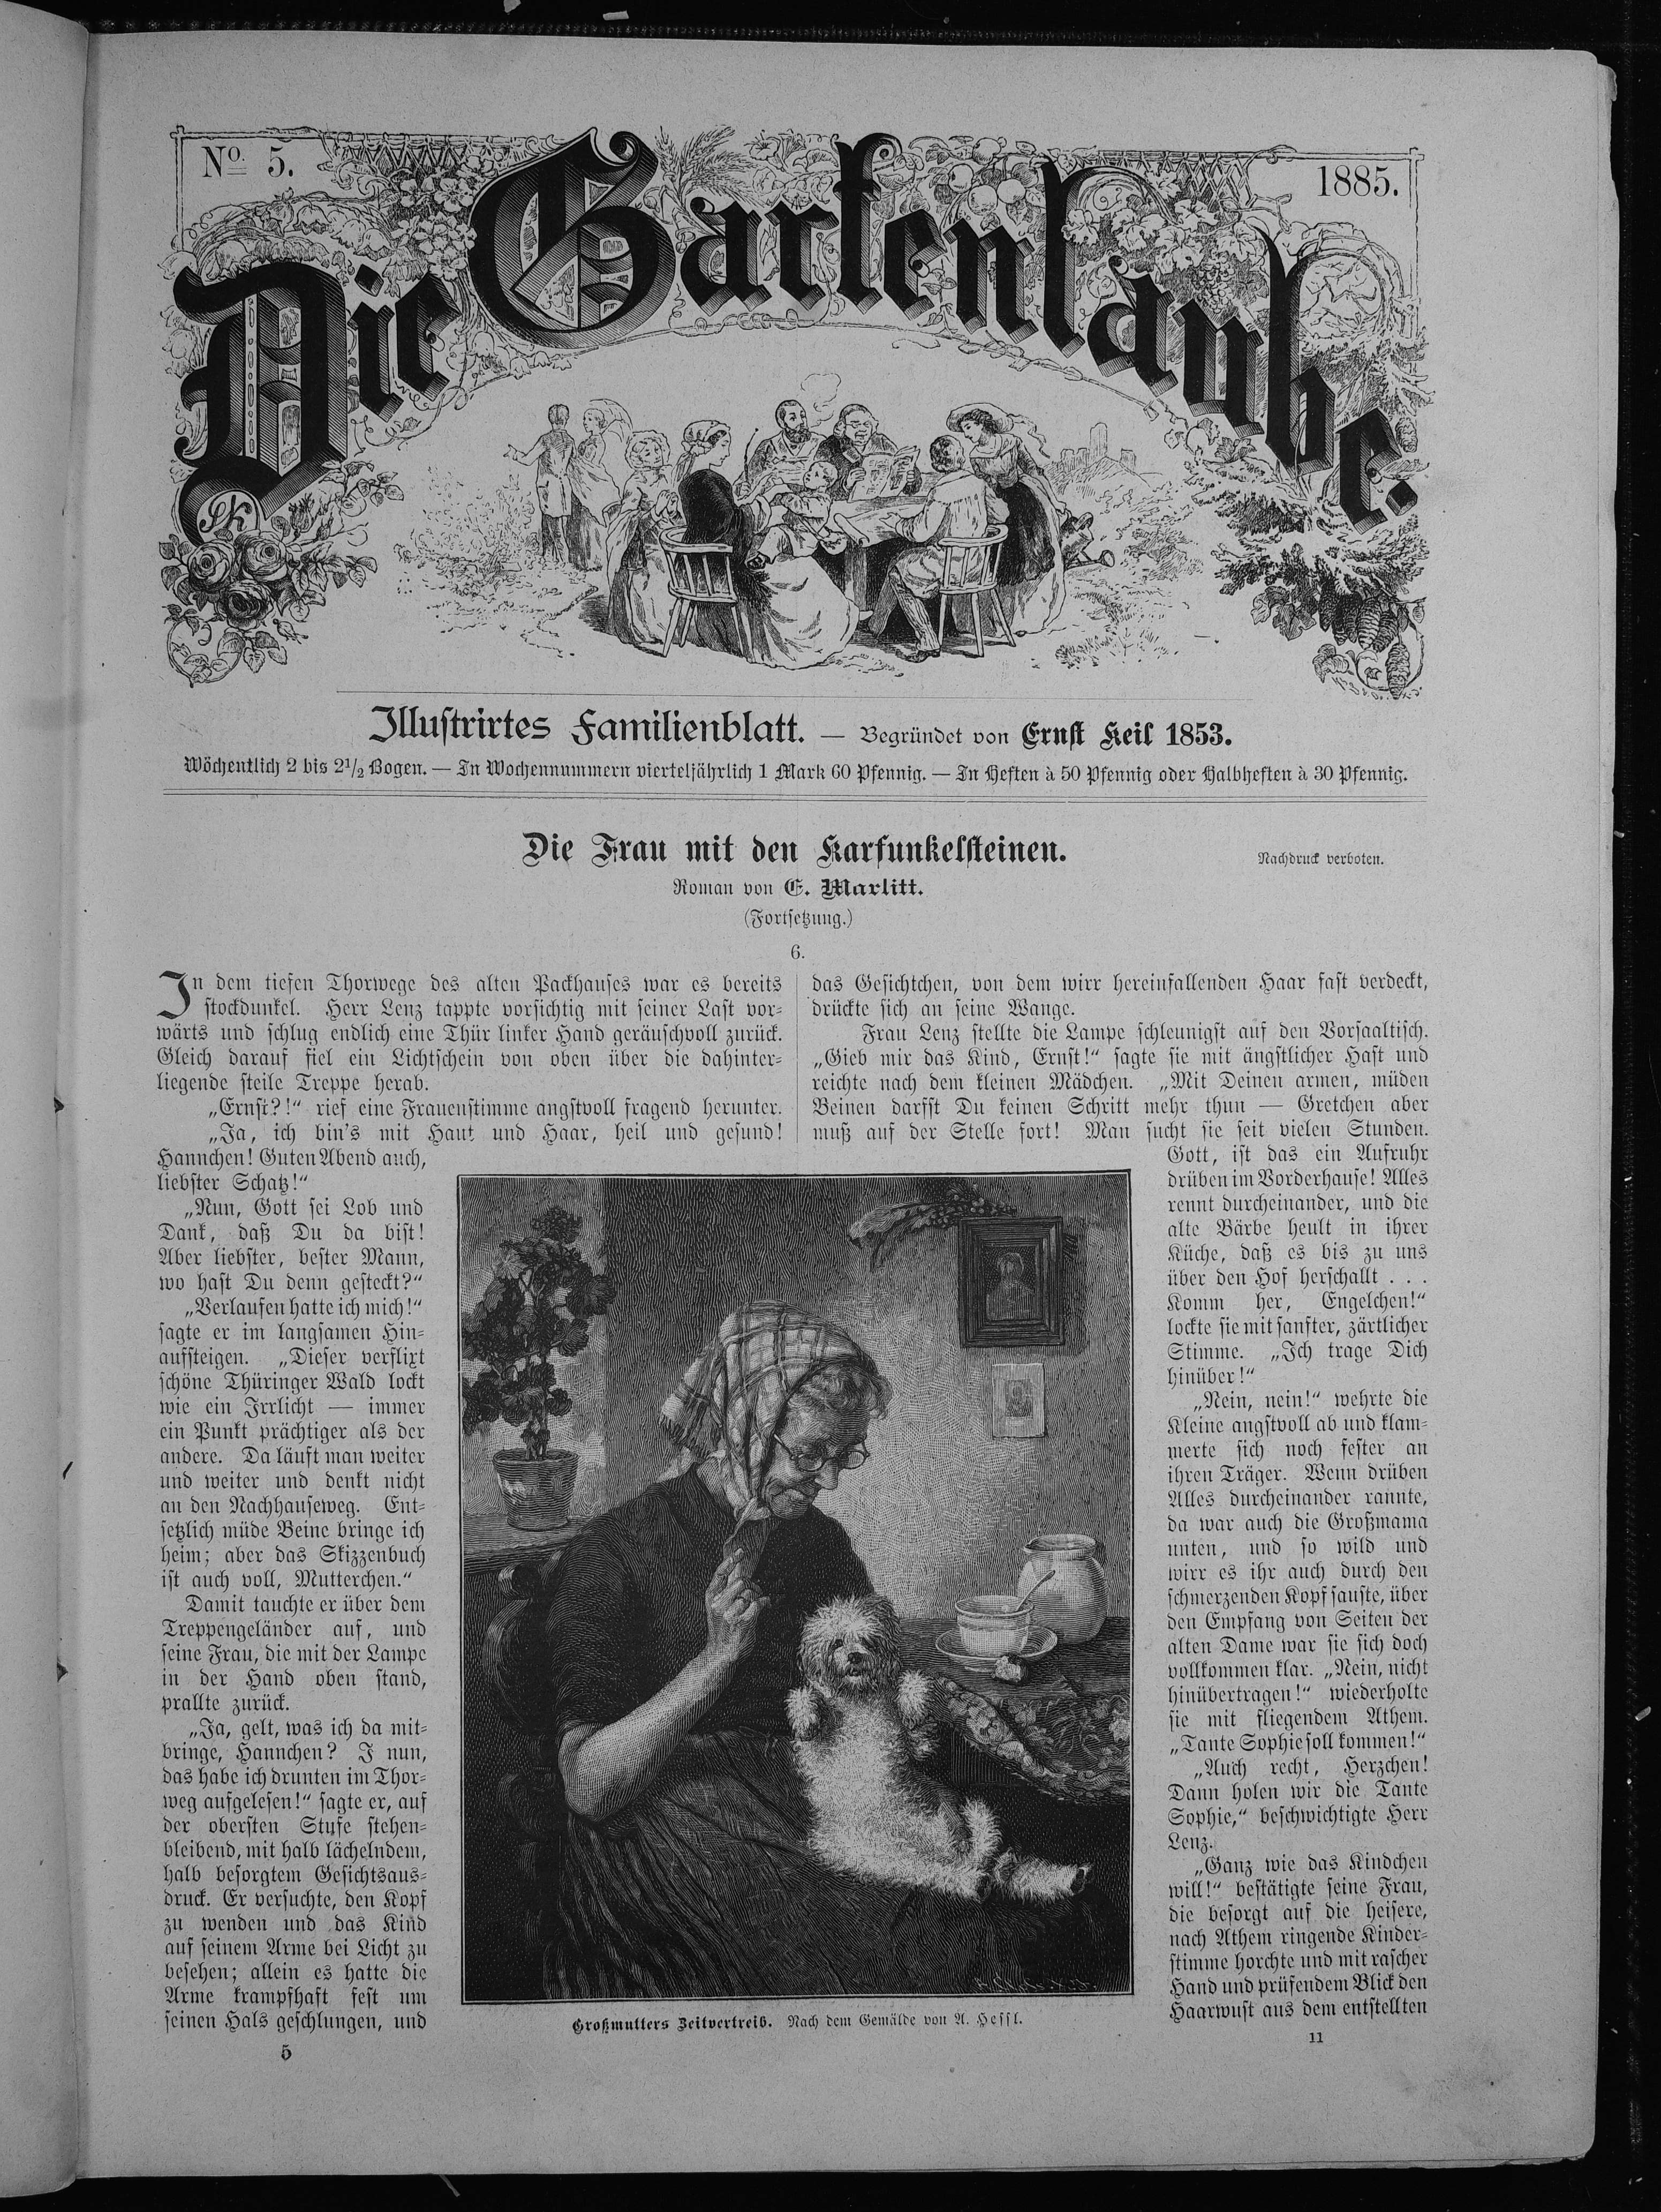No. 5. 1885.
Die Gartenlaube.

Illustrirtes Familienblatt. — Begründet von Ernst Keil 1853.

Wöchentlich 2 bis 2½ Bogen. – In Wochennummern vierteljährlich 1 Mark 60 Pfennig. – In Heften à 50 Pfennig oder Halbheften à 30 Pfennig.

Die Frau mit den Karfunkelsteinen.
Roman von E. Marlitt.
(Fortsetzung.)

6.
In dem tiefen Thorwege des alten Packhauses war es bereits stockdunkel. Herr Lenz tappte vorsichtig mit seiner Last vorwärts und schlug endlich eine Thür linker Hand geräuschvoll zurück. Gleich darauf fiel ein Lichtschein von oben über die dahinterliegende steile Treppe herab.

„Ernst?!“ rief eine Frauenstimme angstvoll fragend herunter.

„Ja, ich bin’s mit Haut und Haar, heil und gesund! Hannchen! Guten Abend auch, liebster Schatz!“

„Nun, Gott sei Lob und Dank, daß Du da bist! Aber liebster, bester Mann, wo hast Du denn gesteckt?“

„Verlaufen hatte ich mich!“ sagte er im langsamen Hinaufsteigen. „Dieser verflixt schöne Thüringer Wald lockt wie ein Irrlicht – immer ein Punkt prächtiger als der andere. Da läuft man weiter und weiter und denkt nicht an den Nachhauseweg. Entsetzlich müde Beine bringe ich heim; aber das Skizzenbuch ist auch voll, Mütterchen.“

Damit tauchte er über dem Treppengeländer auf, und seine Frau, die mit der Lampe in der Hand oben stand, prallte zurück.

„Ja, gelt, was ich da mitbringe, Hannchen? I nun, das habe ich drunten im Thorweg aufgelesen!“ sagte er, auf der obersten Stufe stehenbleibend, mit halb lächelndem, halb besorgtem Gesichtsausdruck. Er versuchte, den Kopf zu wenden und das Kind auf seinem Arme bei Licht zu besehen; allein es hatte die Arme krampfhaft fest um seinen Hals geschlungen, und das Gesichtchen, von dem wirr hereinfallenden Haar fast verdeckt, drückte sich an seine Wange.

Frau Lenz stellte die Lampe schleunigst auf den Vorsaaltisch. „Gieb mir das Kind, Ernst!“ sagte sie mit ängstlicher Hast und reichte nach dem kleinen Mädchen. „Mit Deinen armen, müden Beinen darfst Du keinen Schritt mehr thun – Gretchen aber muß auf der Stelle fort! Man sucht sie seit vielen Stunden. Gott, ist das ein Aufruhr drüben im Vorderhause! Alles rennt durcheinander, und die alte Barbe heult in ihrer Küche, daß es bis zu uns über den Hof herschallt … Komm her, Engelchen!“ lockte sie mit sanfter, zärtlicher Stimme. „Ich trage Dich hinüber!“

„Nein, nein!“ wehrte die Kleine angstvoll ab und klammerte sich noch fester an ihren Träger. Wenn drüben Alles durcheinander rannte, da war auch die Großmama unten, und so wild und wirr es ihr auch durch den schmerzenden Kopf sauste, über den Empfang von Seiten der alten Dame war sie sich doch vollkommen klar. „Nein, nicht hinübertragen!“ wiederholte sie mit fliegendem Athem. „Tante Sophie soll kommen!“

„Auch recht, Herzchen! Dann holen wir die Tante Sophie,“ beschwichtigte Herr Lenz.

„Ganz wie das Kindchen will!“ bestätigte seine Frau, die besorgt auf die heisere, nach Athem ringende Kinderstimme horchte und mit rascher Hand und prüfendem Blick den Haarwust aus dem entstellten

Großmutters Zeitvertreib. Nach dem Gemälde von A. Hessl.
